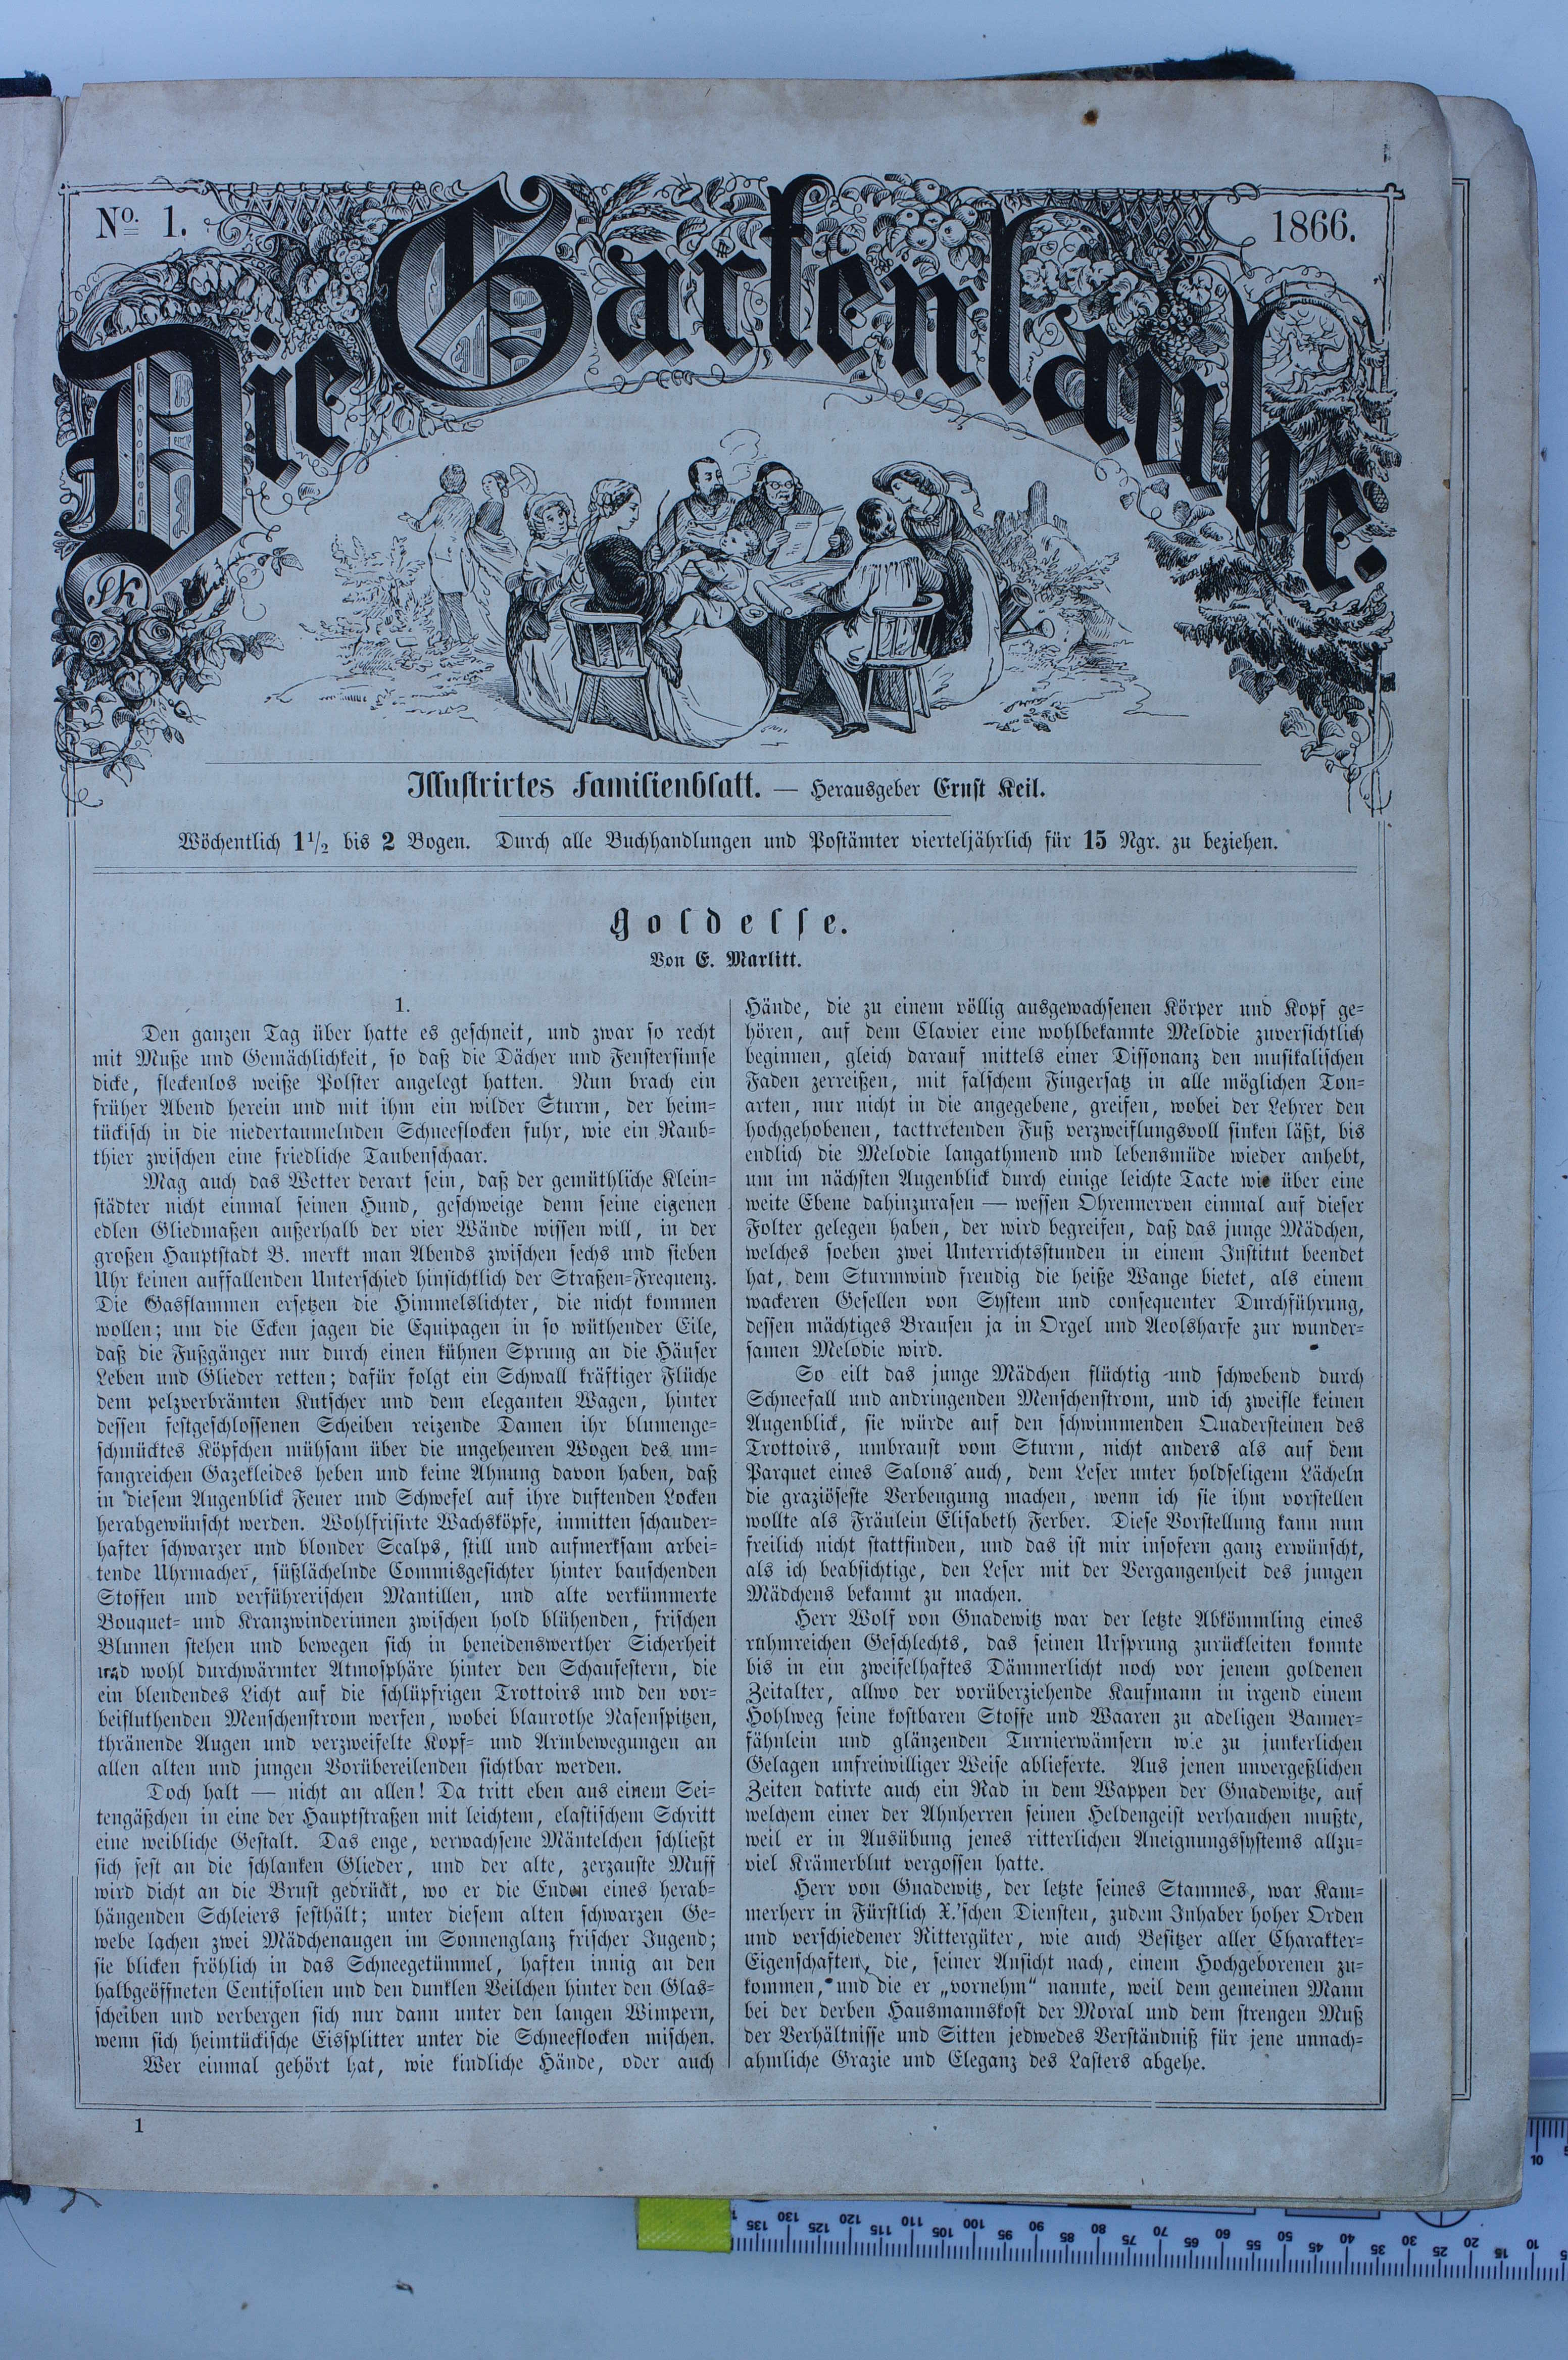No. 1. 1866.
Die Gartenlaube.

Illustrirtes Familienblatt. – Herausgeber Ernst Keil.

Wöchentlich 1½ bis 2 Bogen. Durch alle Buchhandlungen und Postämter vierteljährlich für 15 Ngr. zu beziehen.

Goldelse.
Von E. Marlitt.

1.

Den ganzen Tag über hatte es geschneit, und zwar so recht mit Muße und Gemächlichkeit, so daß die Dächer und Fenstersimse dicke, fleckenlos weiße Polster angelegt hatten. Nun brach ein früher Abend herein und mit ihm ein wilder Sturm, der heimtückisch in die niedertaumelnden Schneeflocken fuhr, wie ein Raubthier zwischen eine friedliche Taubenschaar.

Mag auch das Wetter derart sein, daß der gemüthliche Kleinstädter nicht einmal seinen Hund, geschweige denn seine eigenen edlen Gliedmaßen außerhalb der vier Wände wissen will, in der großen Hauptstadt B. merkt man Abends zwischen sechs und sieben Uhr keinen auffallenden Unterschied hinsichtlich der Straßen-Frequenz. Die Gasflammen ersetzen die Himmelslichter, die nicht kommen wollen; um die Ecken jagen die Equipagen in so wüthender Eile, daß die Fußgänger nur durch einen kühnen Sprung an die Häuser Leben und Glieder retten; dafür folgt ein Schwall kräftiger Flüche dem pelzverbrämten Kutscher und dem eleganten Wagen, hinter dessen festgeschlossenen Scheiben reizende Damen ihr blumengeschmücktes Köpfchen mühsam über die ungeheuren Wogen des umfangreichen Gazekleides heben und keine Ahnung davon haben, daß in diesem Augenblick Feuer und Schwefel auf ihre duftenden Locken herabgewünscht werden. Wohlfrisirte Wachsköpfe, inmitten schauderhafter schwarzer und blonder Scalps, still und aufmerksam arbeitende Uhrmacher, süßlächelnde Commisgesichter hinter bauschenden Stoffen und verführerischen Mantillen, und alte verkümmerte Bouquet- und Kranzwinderinnen zwischen hold blühenden, frischen Blumen stehen und bewegen sich in beneidenswerther Sicherheit und wohl durchwärmter Atmosphäre hinter den Schaufenstern, die ein blendendes Licht auf die schlüpfrigen Trottoirs und den vorbeifluthenden Menschenstrom werfen, wobei blaurothe Nasenspitzen, thränende Augen und verzweifelte Kopf- und Armbewegungen an allen alten und jungen Vorübereilenden sichtbar werden.

Doch halt – nicht an allen! Da tritt eben aus einem Seitengäßchen in eine der Hauptstraßen mit leichtem, elastischem Schritt eine weibliche Gestalt. Das enge, verwachsene Mäntelchen schließt sich fest an die schlanken Glieder, und der alte, zerzauste Muff wird dicht an die Brust gedrückt, wo er die Enden eines herabhängenden Schleiers festhält; unter diesem alten schwarzen Gewebe lachen zwei Mädchenaugen im Sonnenglanz frischer Jugend; sie blicken fröhlich in das Schneegetümmel, haften innig an den halbgeöffneten Centifolien und den dunklen Veilchen hinter den Glasscheiben und verbergen sich nur dann unter den langen Wimpern, wenn sich heimtückische Eissplitter unter die Schneeflocken mischen.

Wer einmal gehört hat, wie kindliche Hände, oder auch Hände, die zu einem völlig ausgewachsenen Körper und Kopf gehören, auf dem Clavier eine wohlbekannte Melodie zuversichtlich beginnen, gleich darauf mittels einer Dissonanz den musikalischen Faden zerreißen, mit falschem Fingersatz in alle möglichen Tonarten, nur nicht in die angegebene, greifen, wobei der Lehrer den hochgehobenen, tacttretenden Fuß verzweiflungsvoll sinken läßt, bis endlich die Melodie langathmend und lebensmüde wieder anhebt, um im nächsten Augenblick durch einige leichte Tacte wie über eine weite Ebene dahinzurasen – wessen Ohrennerven einmal auf dieser Folter gelegen haben, der wird begreifen, daß das junge Mädchen, welches soeben zwei Unterrichtsstunden in einem Institut beendet hat, dem Sturmwind freudig die heiße Wange bietet, als einem wackeren Gesellen von System und consequenter Durchführung, dessen mächtiges Brausen ja in Orgel und Aeolsharfe zur wundersamen Melodie wird.

So eilt das junge Mädchen flüchtig und schwebend durch Schneefall und andringenden Menschenstrom, und ich zweifle keinen Augenblick, sie würde auf den schwimmenden Quadersteinen des Trottoirs, umbraust vom Sturm, nicht anders als auf dem Parquet eines Salons auch, dem Leser unter holdseligem Lächeln die graziöseste Verbeugung machen, wenn ich sie ihm vorstellen wollte als Fräulein Elisabeth Ferber. Diese Vorstellung kann nun freilich nicht stattfinden, und das ist mir insofern ganz erwünscht, als ich beabsichtige, den Leser mit der Vergangenheit des jungen Mädchens bekannt zu machen.

Herr Wolf von Gnadewitz war der letzte Abkömmling eines ruhmreichen Geschlechts, das seinen Ursprung zurückleiten konnte bis in ein zweifelhaftes Dämmerlicht noch vor jenem goldenen Zeitalter, allwo der vorüberziehende Kaufmann in irgend einem Hohlweg seine kostbaren Stoffe und Waaren zu adeligen Bannerfähnlein und glänzenden Turnierwämsern wie zu junkerlichen Gelagen unfreiwilliger Weise ablieferte. Aus jenen unvergeßlichen Zeiten datirte auch ein Rad in dem Wappen der Gnadewitze, auf welchem einer der Ahnherren seinen Heldengeist verhauchen mußte, weil er in Ausübung jenes ritterlichen Aneignungssystems allzuviel Krämerblut vergossen hatte.

Herr von Gnadewitz, der letzte seines Stammes, war Kammerherr in Fürstlich X.’schen Diensten, zudem Inhaber hoher Orden und verschiedener Rittergüter, wie auch Besitzer aller Charakter-Eigenschaften, die, seiner Ansicht nach, einem Hochgeborenen zukommen, und die er „vornehm“ nannte, weil dem gemeinen Mann bei der derben Hausmannskost der Moral und dem strengen Muß der Verhältnisse und Sitten jedwedes Verständniß für jene unnachahmliche Grazie und Eleganz des Lasters abgehe.
